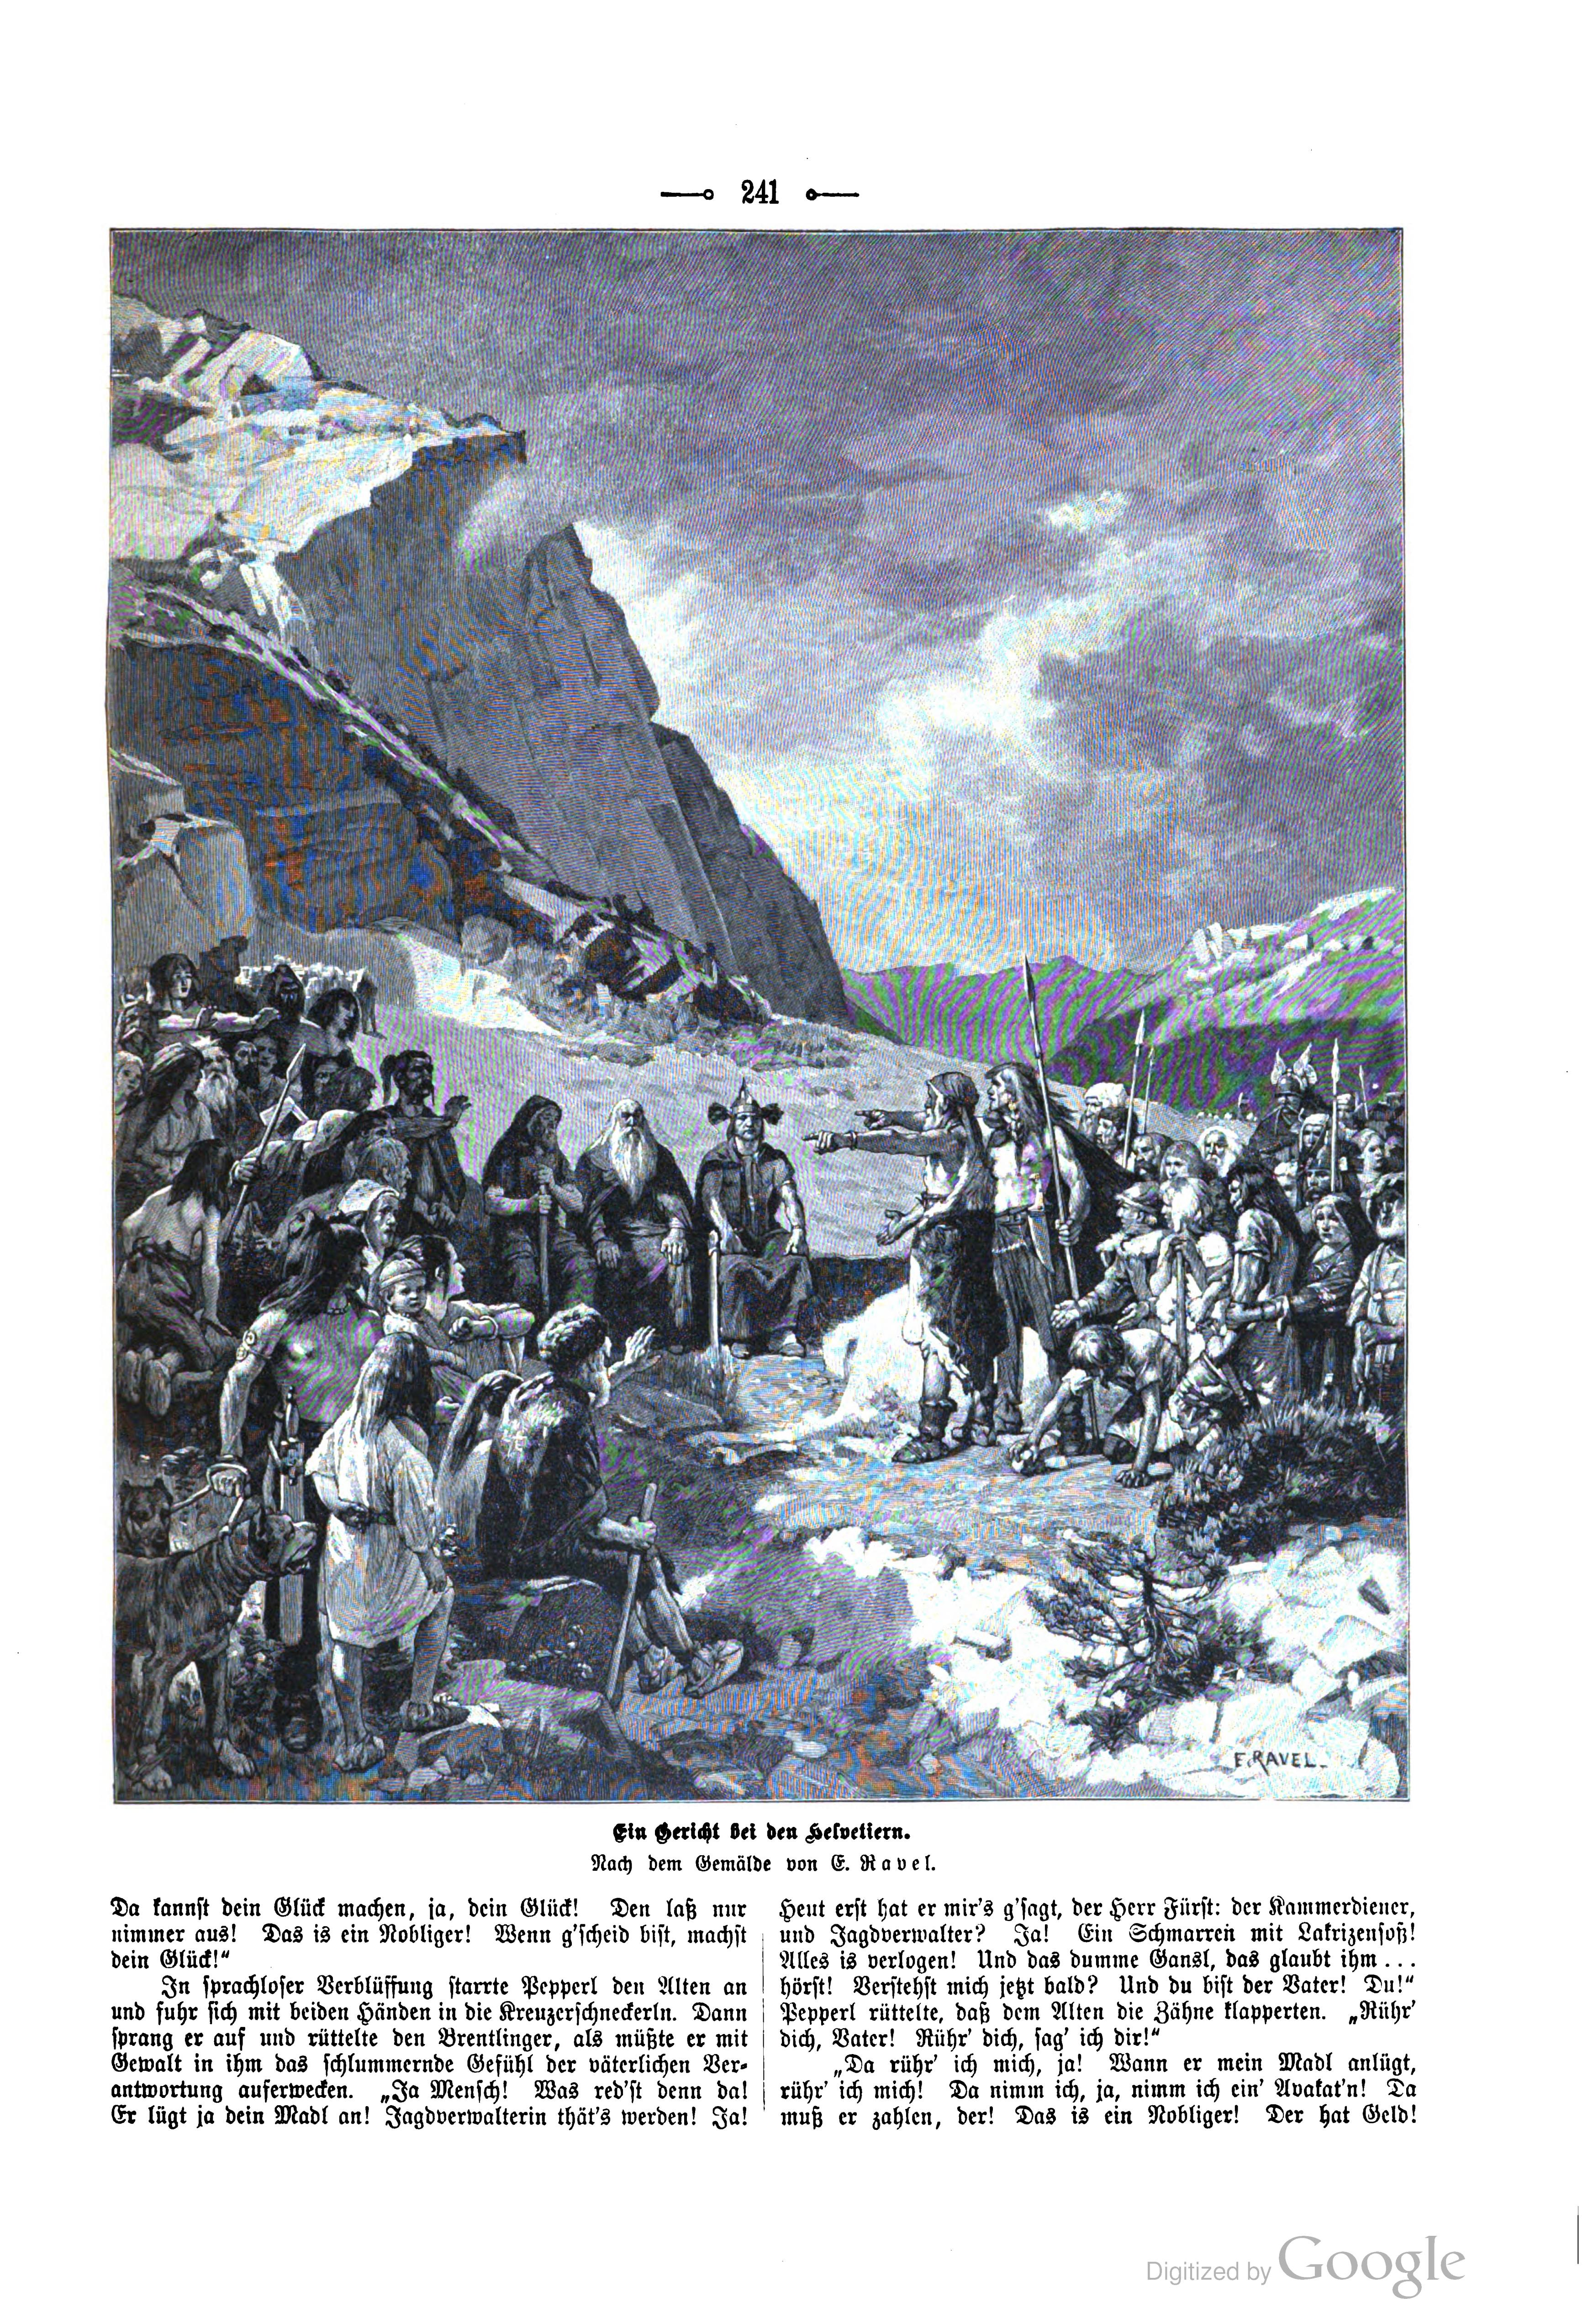Ein Gericht bei den Helvetiern.
Nach dem Gemälde von E. Ravel.

Da kannst dein Glück machen, ja, dein Glück! Den laß nur nimmer aus! Das is ein Nobliger! Wenn g’scheid bist, machst dein Glück!“

In sprachloser Verblüffung starrte Pepperl den Alten an und fuhr sich mit beiden Händen in die Kreuzerschneckerln. Dann sprang er auf und rüttelte den Brentlinger, als müßte er mit Gewalt in ihm das schlummernde Gefühl der väterlichen Verantwortung auferwecken. „Ja Mensch! Was red’st denn da! Er lügt ja dein Madl an! Jagdverwalterin thät’s werden! Ja! Heut erst hat er mir’s g’sagt, der Herr Fürst: der Kammerdiener, und Jagdverwalter? Ja! Ein Schmarren mit Lakrizensoß! Alles is verlogen! Und das dumme Gansl, das glaubt ihm ... hörst! Verstehst mich jetzt bald? Und du bist der Vater! Du!“ Pepperl rüttelte, daß dem Alten die Zähne klapperten. „Rühr’ dich, Vater! Rühr’ dich, sag’ ich dir!“

„Da rühr’ ich mich, ja! Wann er mein Madl anlügt, rühr’ ich mich! Da nimm ich, ja, nimm ich ein’ Avakat’n! Da muß er zahlen, der! Das is ein Nobliger! Der hat Geld!
